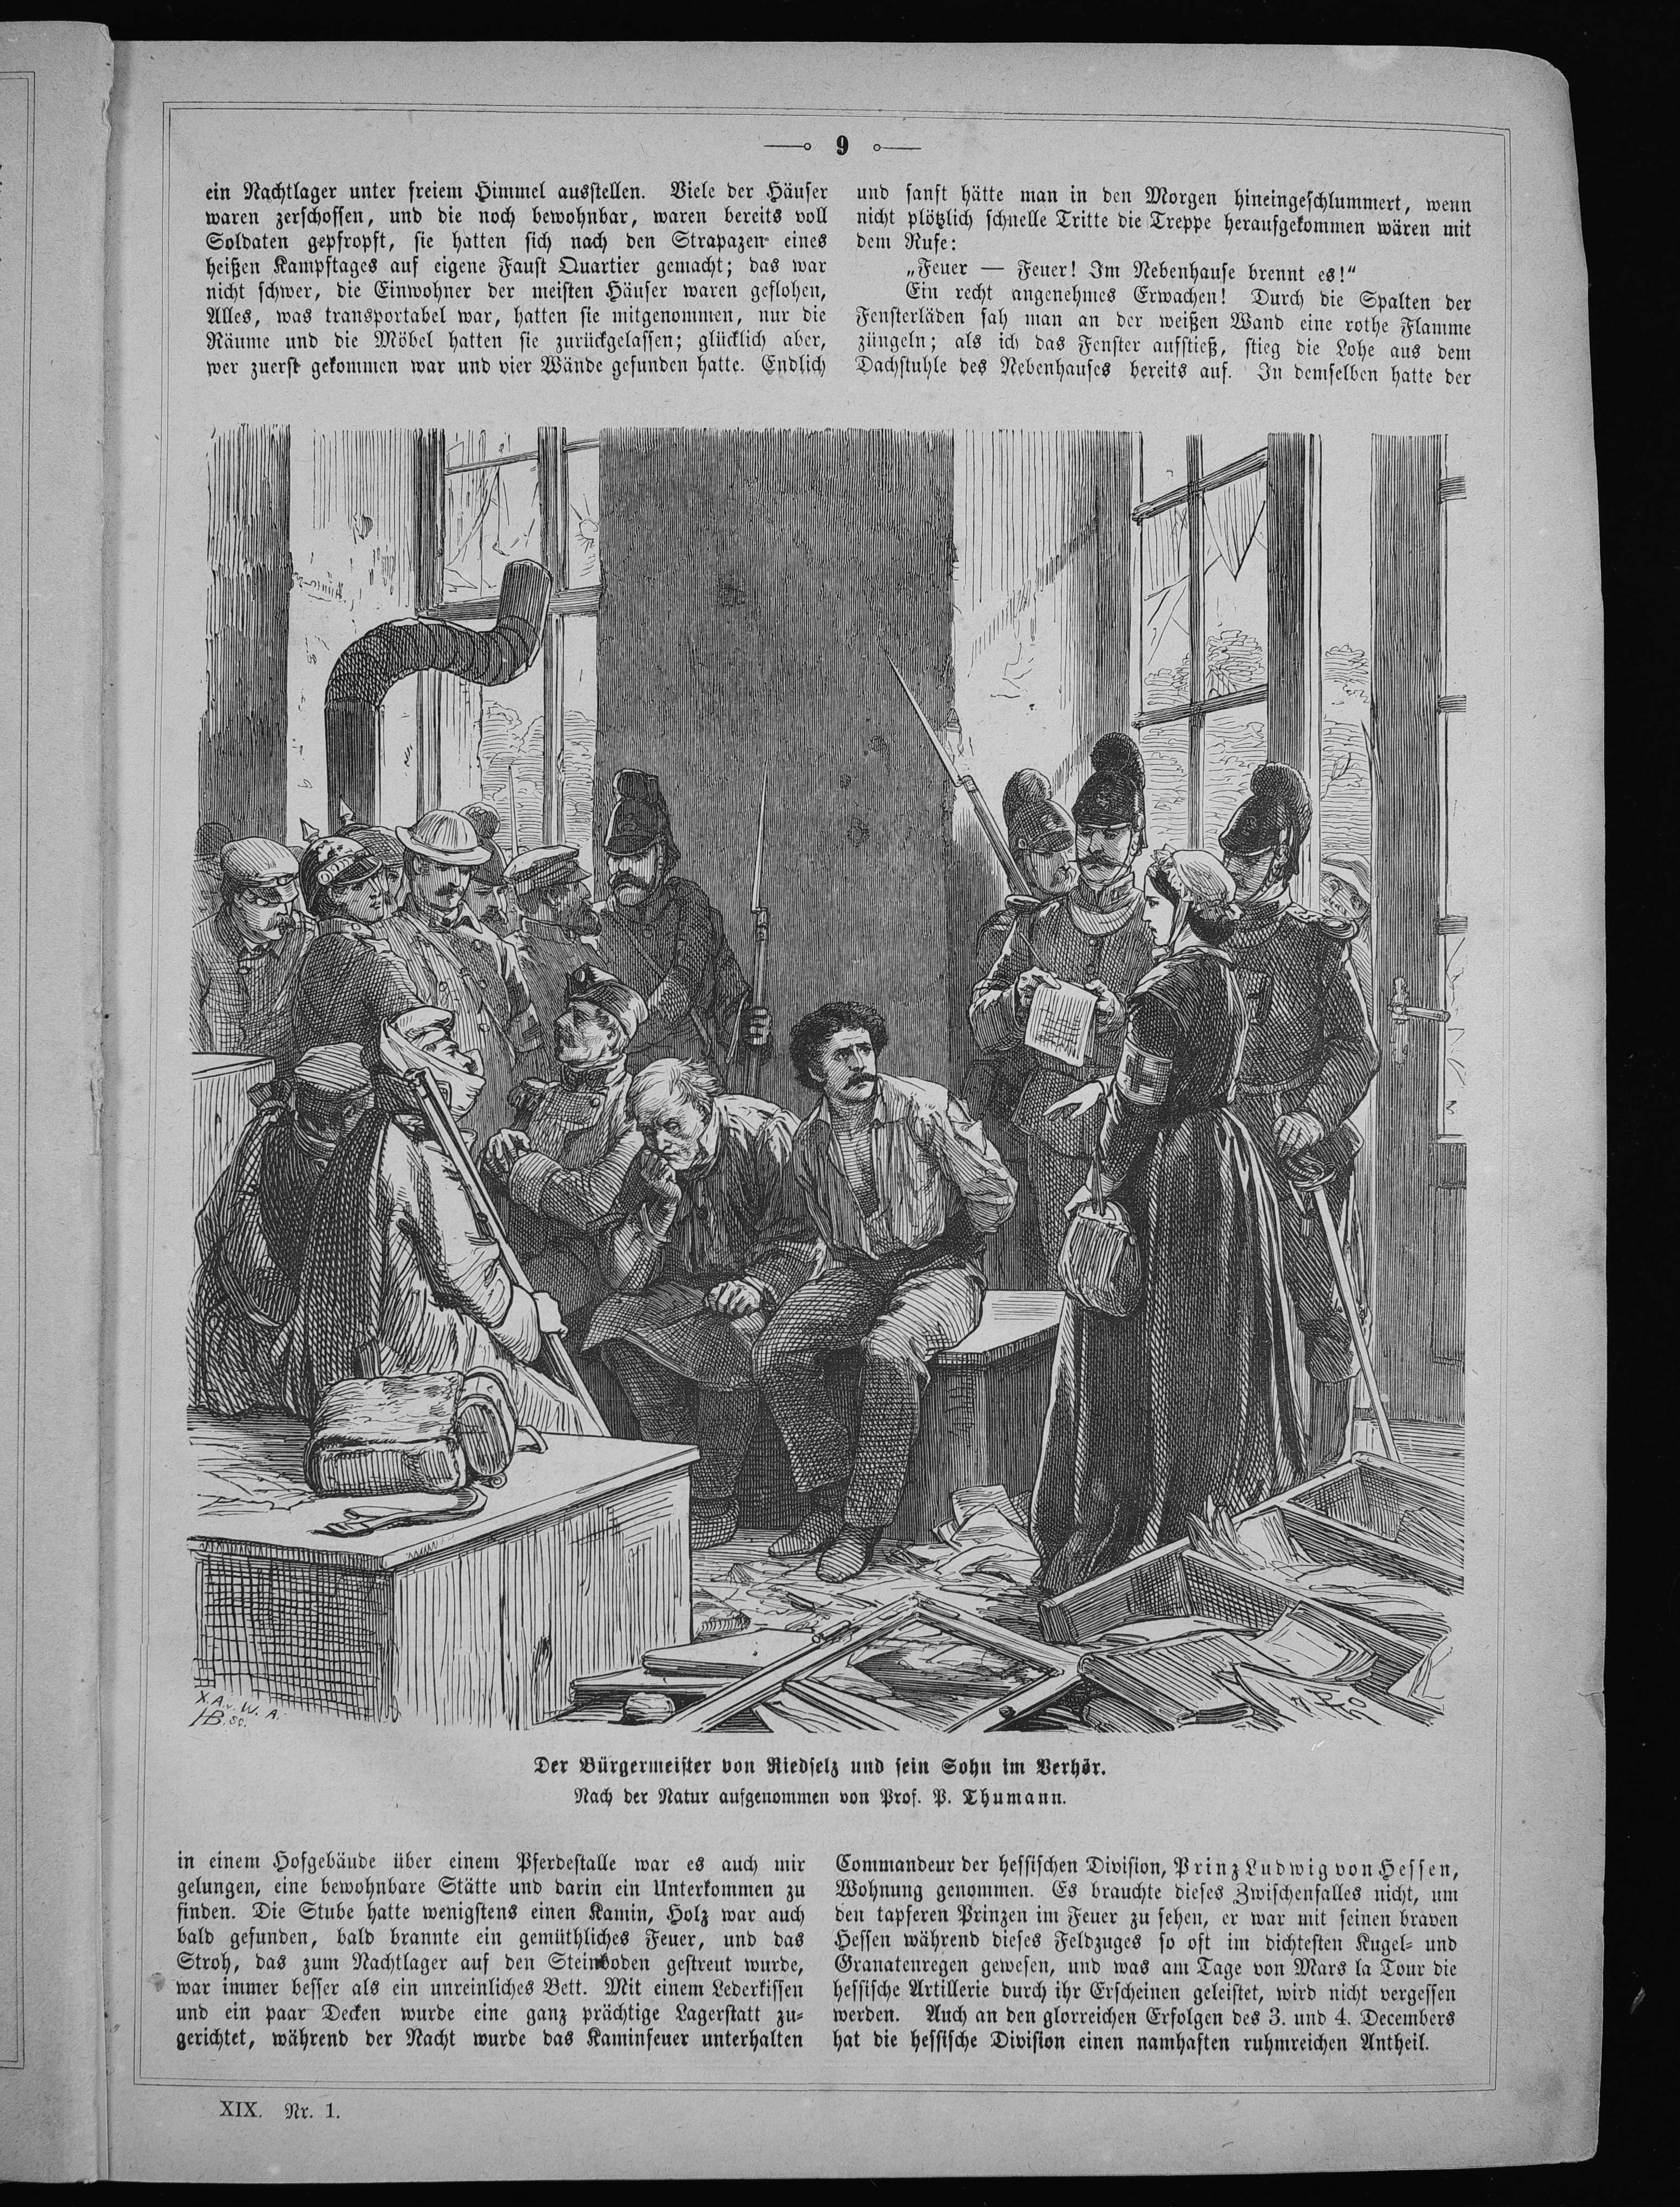ein Nachtlager unter freiem Himmel ausstellen. Viele der Häuser waren zerschossen, und die noch bewohnbar, waren bereits voll Soldaten gepfropft, sie hatten sich nach den Strapazen eines heißen Kampftages auf eigene Faust Quartier gemacht; das war nicht schwer, die Einwohner der meisten Häuser waren geflohen, Alles, was transportabel war, hatten sie mitgenommen, nur die Räume und die Möbel hatten sie zurückgelassen; glücklich aber, wer zuerst gekommen war und vier Wände gefunden hatte. Endlich in einem Hofgebäude über einem Pferdestalle war es auch mir gelungen, eine bewohnbare Stätte und darin ein Unterkommen zu finden. Die Stube hatte wenigstens einen Kamin, Holz war auch bald gefunden, bald brannte ein gemüthliches Feuer, und das Stroh, das zum Nachtlager auf den Steinboden gestreut wurde, war immer besser als ein unreinliches Bett. Mit einem Lederkissen und ein paar Decken wurde eine ganz prächtige Lagerstatt zugerichtet, während der Nacht wurde das Kaminfeuer unterhalten und sanft hätte man in den Morgen hineingeschlummert, wenn nicht plötzlich schnelle Tritte die Treppe heraufgekommen wären mit dem Rufe:

„Feuer – Feuer! Im Nebenhause brennt es!“

Der Bürgermeister von Riedselz und sein Sohn im Verhör.
Nach der Natur aufgenommen von Prof. P. Thumann.

Ein recht angenehmes Erwachen! Durch die Spalten der Fensterläden sah man an der weißen Wand eine rothe Flamme züngeln, als ich das Fenster aufstieß, stieg die Lohe aus dem Dachstuhle des Nebenhauses bereits auf. In demselben hatte der Commandeur der hessischen Division, Prinz Ludwig von Hessen, Wohnung genommen. Es brauchte dieses Zwischenfalles nicht, um den tapferen Prinzen im Feuer zu sehen, er war mit seinen braven Hessen während dieses Feldzuges so oft im dichtesten Kugel- und Granatenregen gewesen, und was am Tage von Mars la Tour die hessische Artillerie durch ihr Erscheinen geleistet, wird nicht vergessen werden. Auch an den glorreichen Erfolgen des 3. und 4. Decembers hat die hessische Division einen namhaften ruhmreichen Antheil.
